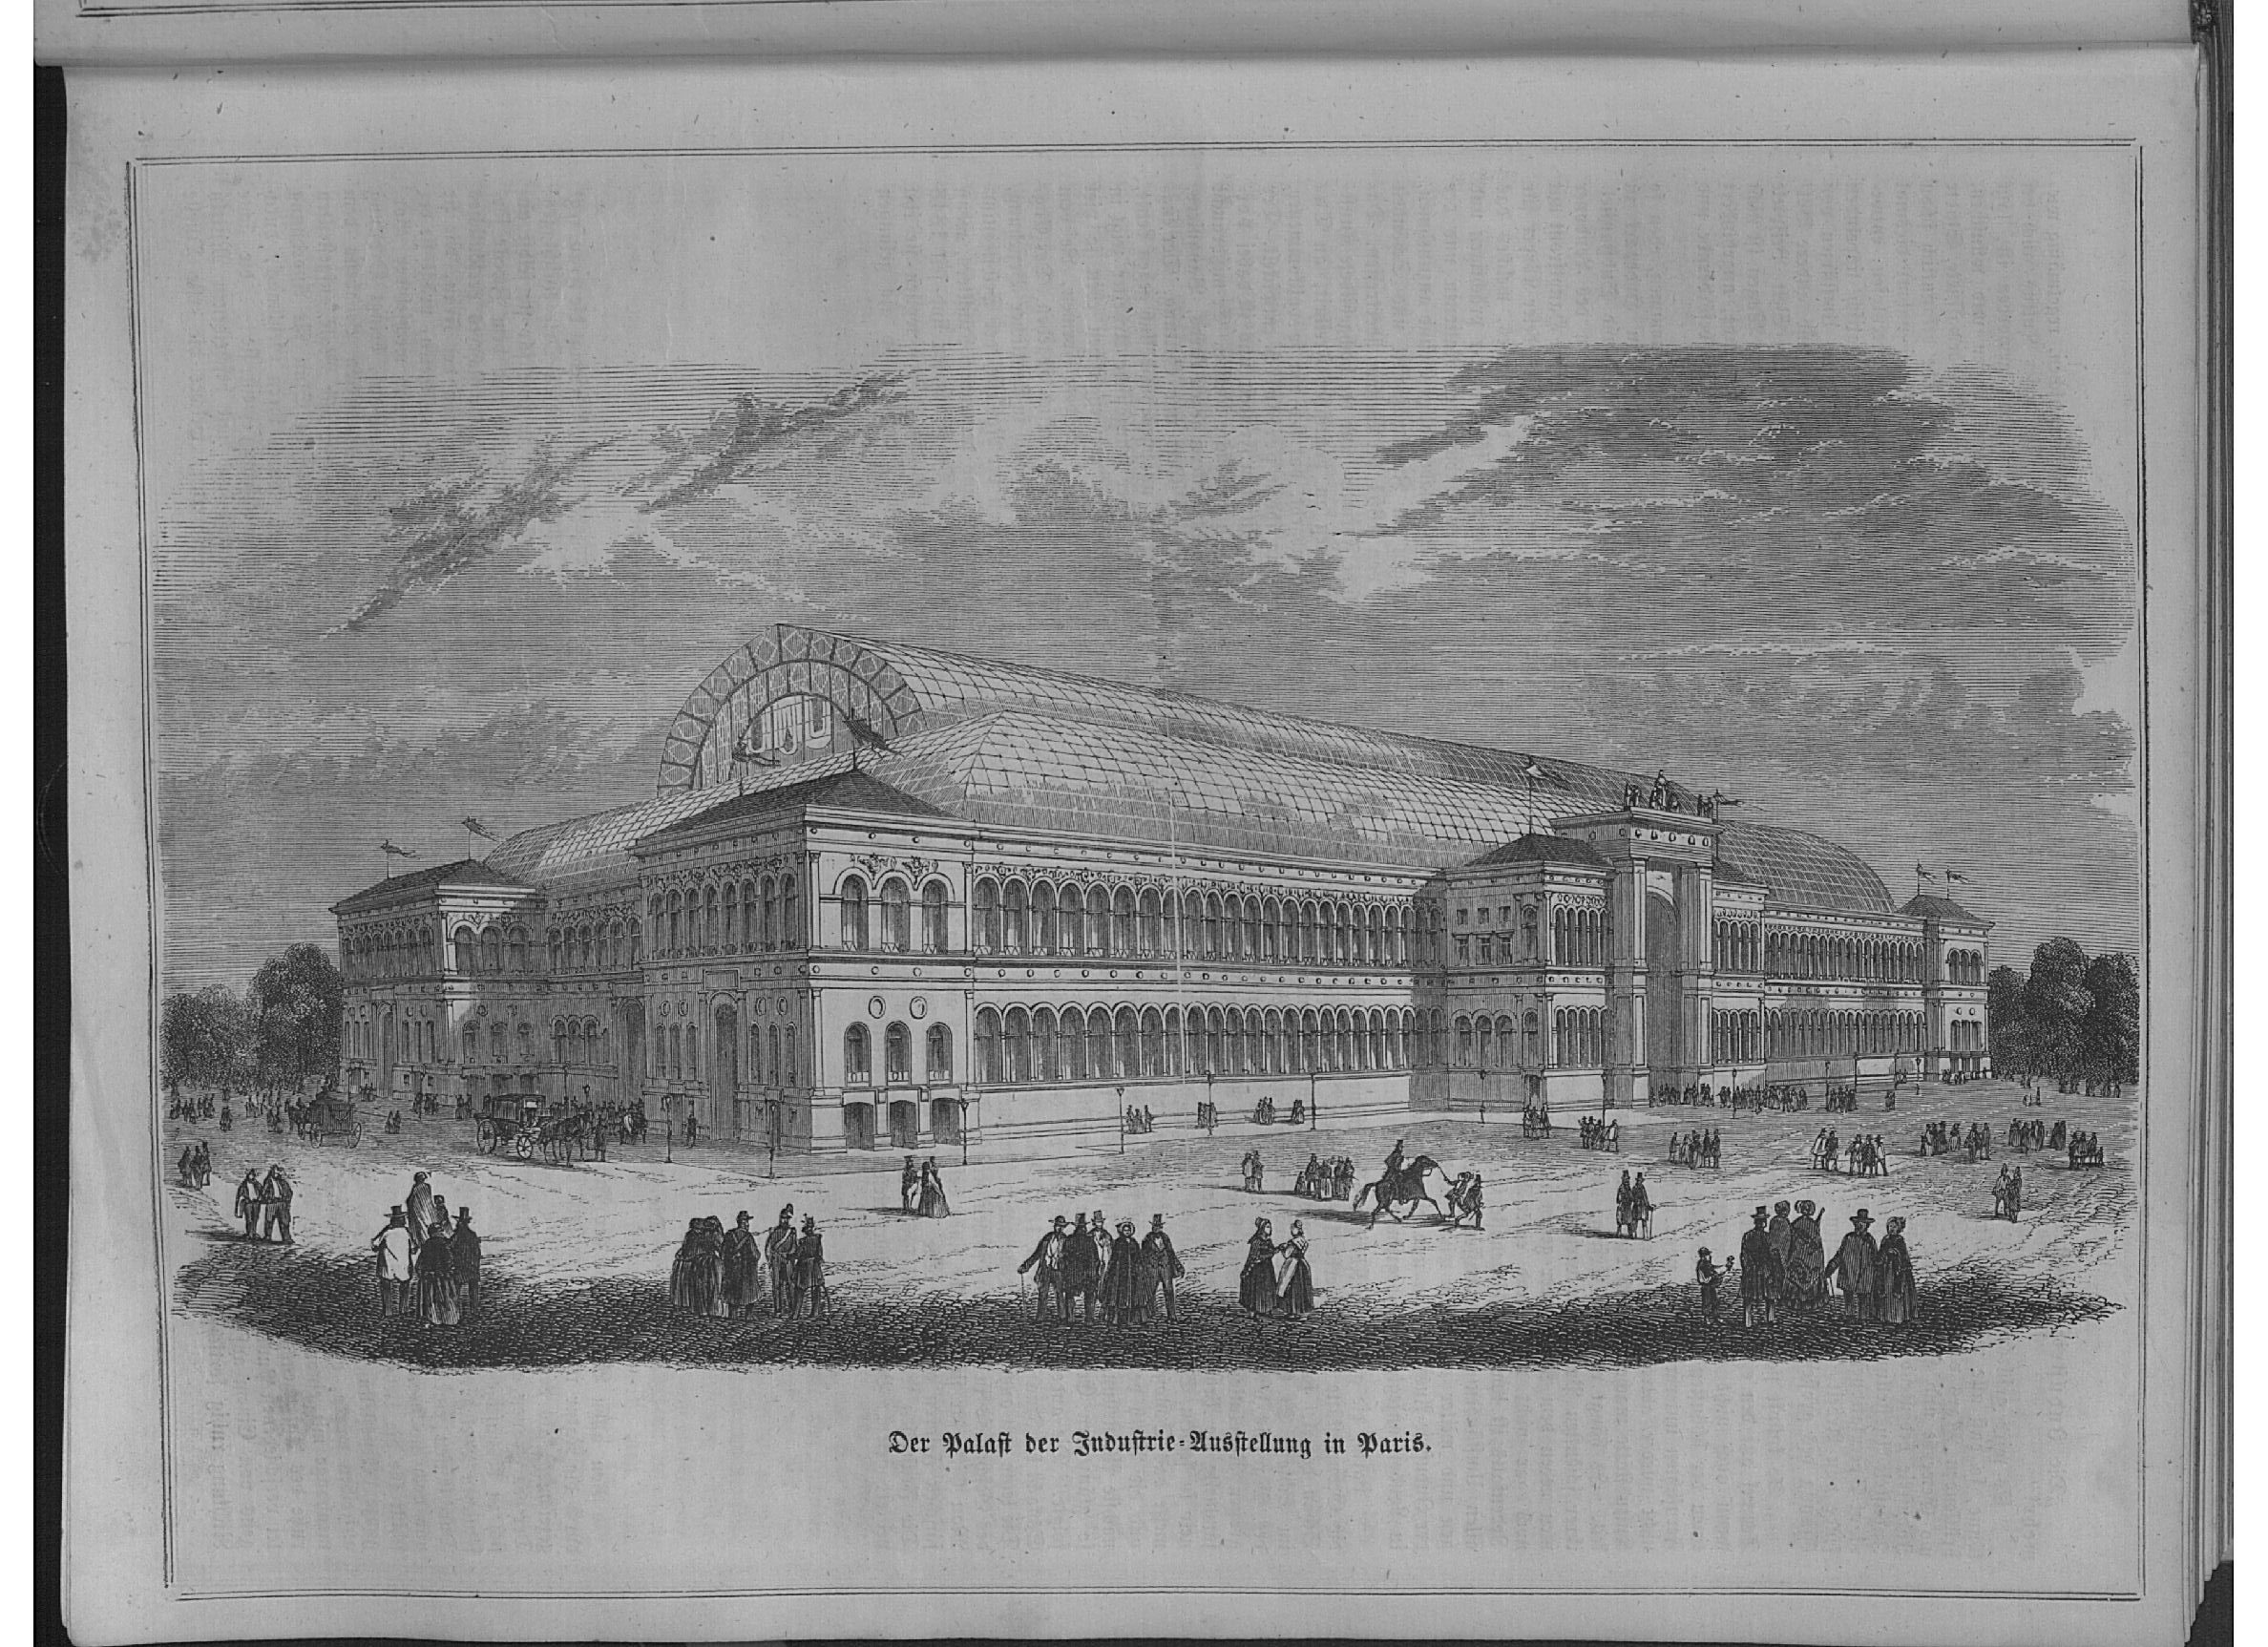Der Palast der Industrie-Ausstellung in Paris.
